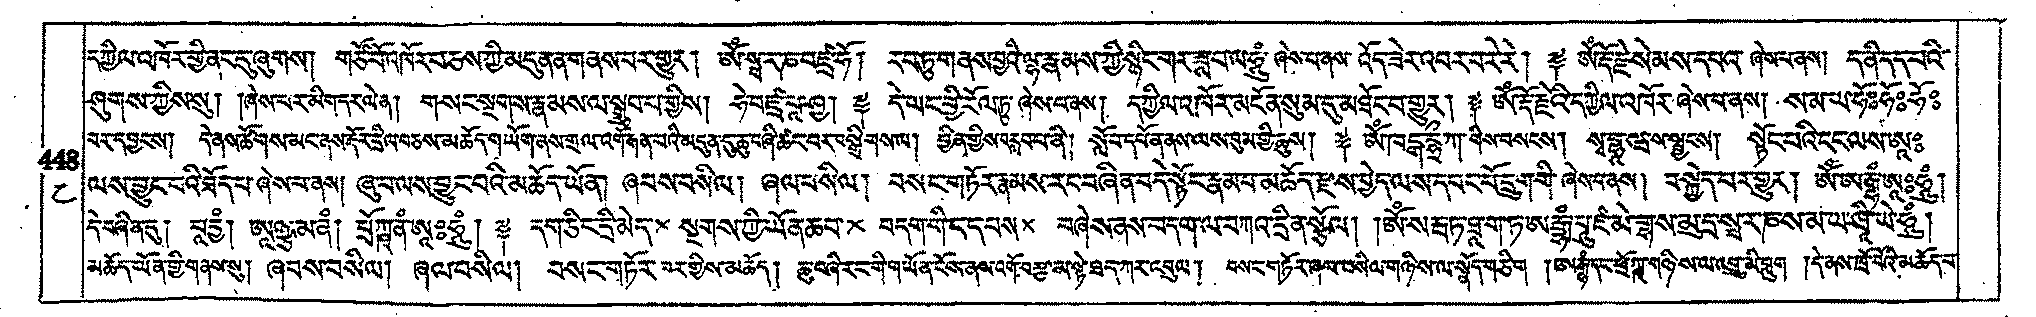དཀྱིལ་འཁོར་གྱི་ནང་དུ་ཞུགས། གཙོ་བོ་འཁོར་བཅས་ཀྱི་མདུན་ན་གནས་པར་གྱུར། ཨོཾ་སྥ་ར་ཎ་བཛྲ་ཧོ། རབ་ཏུ་གནས་བྱའི་ལྷ་རྣམས་ཀྱི་སྙིང་གར་ཟླ་བ་ལ་ཧཱུཾ་ཞེས་པ་ནས་འོད་ཟེར་འབར་བ་རེ་རེ། འ་ཨོཾ་རྡོ་རྗེ་སེམས་དཔའ་ཞེས་པ་ནས།  ད་ནི་དད་པའི་
ཤུགས་ཀྱིས་སུ། །ཞེས་པར་མིག་དར་ལེན།  གསང་སྔགས་རྣམས་ལ་སྒྲུབ་པ་གྱིས། ཧེ་བཛྲ་པཱ་ཤྱ། འ་དེ་ཡང་ཕྱི་རོལ་ཏུ་ཞེས་པ་ནས། དཀྱིལ་འཁོར་མངོན་སུམ་དུ་མཐོང་བར་གྱུར། འ་ཨོཾ་རྡོ་རྗེའི་དཀྱིལ་འཁོར་ཞེས་པ་ནས།  ས་མ་ཡ་ཧོཿཧོཿཧོཿ
བར་དབྱངས། དེ་ནས་ཚོགས་མང་ནས་རྡོར་དྲིལ་བཅས་མཆོད་གཡོག་ནས་གྲལ་འགོ་རྒན་པའི་མདུན་དུ་ཆུ་བཞི་ཚང་བར་བསྒྲིགས་ལ། བྱིན་གྱིས་བརླབ་པ་ནི། སློབ་དཔོན་ནས་ལས་བུམ་གྱི་ཆུས།  འ་ཨོཾ་ཁངྒ་དྷྲྀ་ཀ་གིས་བསངས། སྭ་བྷཱ་ཝས་སྦྱངས།  སྟོང་པའི་ངང་ལས་ཨཱཿ
ལས་བྱུང་བའི་ཐོད་པ་ཞེས་པ་ནས།  ཞུ་བ་ལས་བྱུང་བའི་མཆོད་ཡོན། ཞབས་བསིལ། ཞལ་བསིལ། བསང་གཏོར་རྣམས་རང་བཞིན་བདེ་སྟོང་རྣམ་པ་མཆོད་རྫས་བྱེད་ལས་དབང་པོ་དྲུག་གི་ཞེས་པ་ནས།  བསྐྱེད་པར་གྱུར། ཨོཾ་ཨརྒྷཾ་ཨཱཿཧཱུཾ།
དེ་བཞིན་དུ།  པཱདྱཾ། ཨཱཉྩ་མ་ནཾ། པྲོཀྵ་ནཾ་ཨཱཿཧཱུཾ། འ་དག་ཅིང་དྲི་མེད་྾་སྔགས་ཀྱི་ཡོན་ཆབ་྾་བདག་གི་དད་པས་྾་བཞེས་ནས་བདག་ལ་བཀའ་དྲིན་སྩོལ། །ཨོཾ་སརྦ་ཏ་ཐཱ་ག་ཏ་ཨརྒྷཾ་པཱུ་ཛ་མེ་གྷ་ས་མུ་དྲ་སྥ་ར་ཎ་ས་མ་ཡ་ཤྲཱི་ཡེ་ཧཱུཾ།
མཆོད་ཡོན་གྱི་གནས་སུ།  ཞབས་བསིལ། ཞལ་བསིལ། བསང་གཏོར་བར་གྱིས་མཆོད། ཆུ་བཞི་རང་གི་གཡོན་ངོས་ནས་འགོ་བརྩམ་སྟེ་ཐད་ཀར་འབུལ། བསང་གཏོར་ཞལ་བསིལ་གཉིས་ལ་སྣོད་གཅིག །ཨརྒྷཾ་དང་ཕྲོཀྵ་གཉིས་ལ་འབྲུ་མི་བླུག །དེ་ནས་ཁྲོ་བོའི་མཆོད་པ་